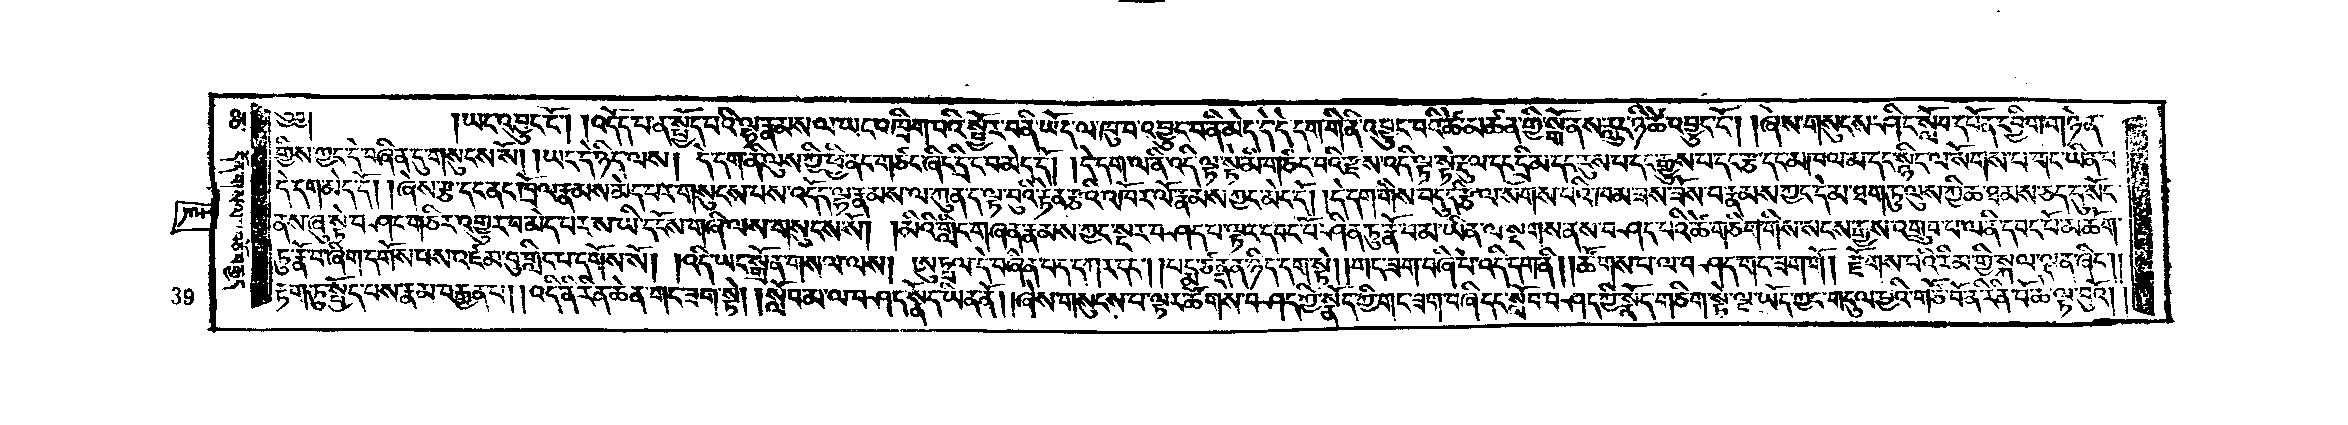༄༅། །ཡང་འབྱུང་ངོ། །འདོད་པ་ན་སྤྱོད་པའི་ལྷ་རྣམས་ལ་ཡང་འཁྲིག་པའི་སྦྱོར་བ་ནི་ཡོད་ལ་ཁུ་བ་འབྱུང་བ་ནི་མེད་དེ་དེ་དག་གི་ནི་འབྱུང་བའི་ཚེ་མཚོན་གྱི་སྒོ་ནས་རླུང་ཉི་ཚེ་འབྱུང་ངོ། །ཞེས་གསུངས་ཤིང་སློབ་དཔོན་དབྱིག་གཉེན་
གྱིས་ཀྱང་དེ་བཞིན་དུ་གསུངས་སོ། །ཡང་དེ་ཉིད་ལས། དེ་དག་ནི་ལུས་ཀྱི་ཕྱི་ནང་གཙང་ཞིང་དྲི་ང་བ་མེད་དོ། །དེ་དག་ལ་ནི་འདི་ལྟ་སྟེ་མི་གཙང་བའི་རྫས་འདི་ལྟ་སྟེ་རྡུལ་དང་དྲི་མ་དང་རུས་པ་དང་རྒྱུས་པ་དང་རྩ་དང་མཁལ་མ་དང་སྙིང་ལ་སོགས་པ་གང་ཡིན་པ་
དེ་དག་མེད་དོ། །ཞེས་རྩ་དང་ནང་ཁྲོལ་རྣམས་མེད་པར་གསུངས་པས་འདོད་ལྷ་རྣམས་ལ་ཀུན་ད་ལྟ་བུའི་རྟེན་རྩའི་འཁོར་ལོ་རྣམས་ཀྱང་མེད་དོ། །དེ་དག་གིས་བདུད་རྩི་ལ་སོགས་པའི་ཁམ་ཟས་ཟོས་པ་རྣམས་ཀྱང་དེ་མ་ཐག་ཏུ་ལུས་ཀྱི་ཆ་ཐམས་ཅད་དུ་སོང་
ནས་ཞུ་སྟེ་བཤང་གཅིར་འགྱུར་བ་མེད་པར་ས་ཡི་དངོས་གཞི་ལས་གསུངས་སོ། །མིའི་གླིང་གཞན་རྣམས་ཀྱང་སྔར་བཤད་པ་ལྟར་དབང་པོ་ཤིན་ཏུ་རྣོ་བ་མ་ཡིན་ལ་སྔགས་ནས་བཤད་པའི་ཚེ་གཅིག་གིས་སངས་རྒྱས་འགྲུབ་པ་ལ་ནི་དབང་པོ་མཆོག་
ཏུ་རྣོ་བ་ཞིག་དགོས་པས་འཛམ་བུ་གླིང་པ་དགོས་སོ། །འདི་ཡང་སྒྲོན་གསལ་ལས། ཨུཏྤལ་དེ་བཞིན་པད་དཀར་དང་། །པདམ་ཙནྡན་ཉིད་དག་སྟེ། །གང་ཟག་བཞི་པོ་འདི་དག་ནི། །ཚོགས་པ་ལ་བཤད་གང་ཟག་གོ །རྫོགས་པའི་རིམ་གྱི་སྐལ་ལྡན་ཞིང་། །
རྟག་ཏུ་སྤྱོད་པས་རྣམ་བརྒྱན་པ། །འདི་ནི་རིན་ཆེན་གང་ཟག་སྟེ། །སློབ་མ་ལ་བཤད་སྣོད་ཡིན་ནོ། །ཞེས་གསུངས་པ་ལྟར་ཚོགས་བཤད་ཀྱི་སྣོད་ཀྱི་གང་ཟག་བཞི་དང་སློབ་བཤད་ཀྱི་སྣོད་གཅིག་སྟེ་ལྔ་ཡོད་ཀྱང་གདུལ་བྱའི་གཙོ་བོ་ནི་རིན་པོ་ཆེ་ལྟ་བུའོ། །